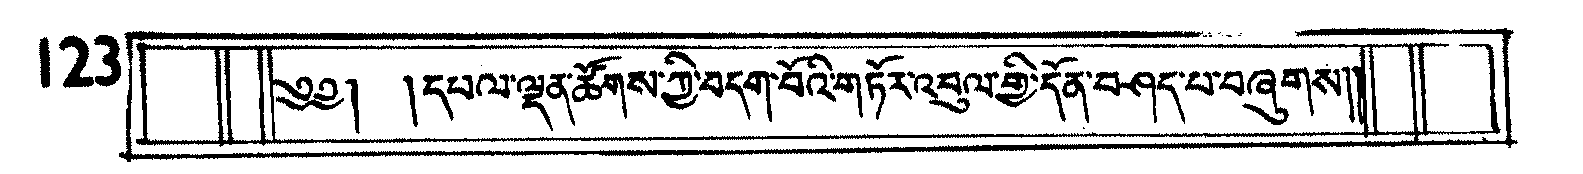༄༅། །དཔལ་ལྡན་ཚོགས་ཀྱི་བདག་པོའི་གཏོར་འབུལ་གྱི་དོན་བཤད་པ་བཞུགས།།